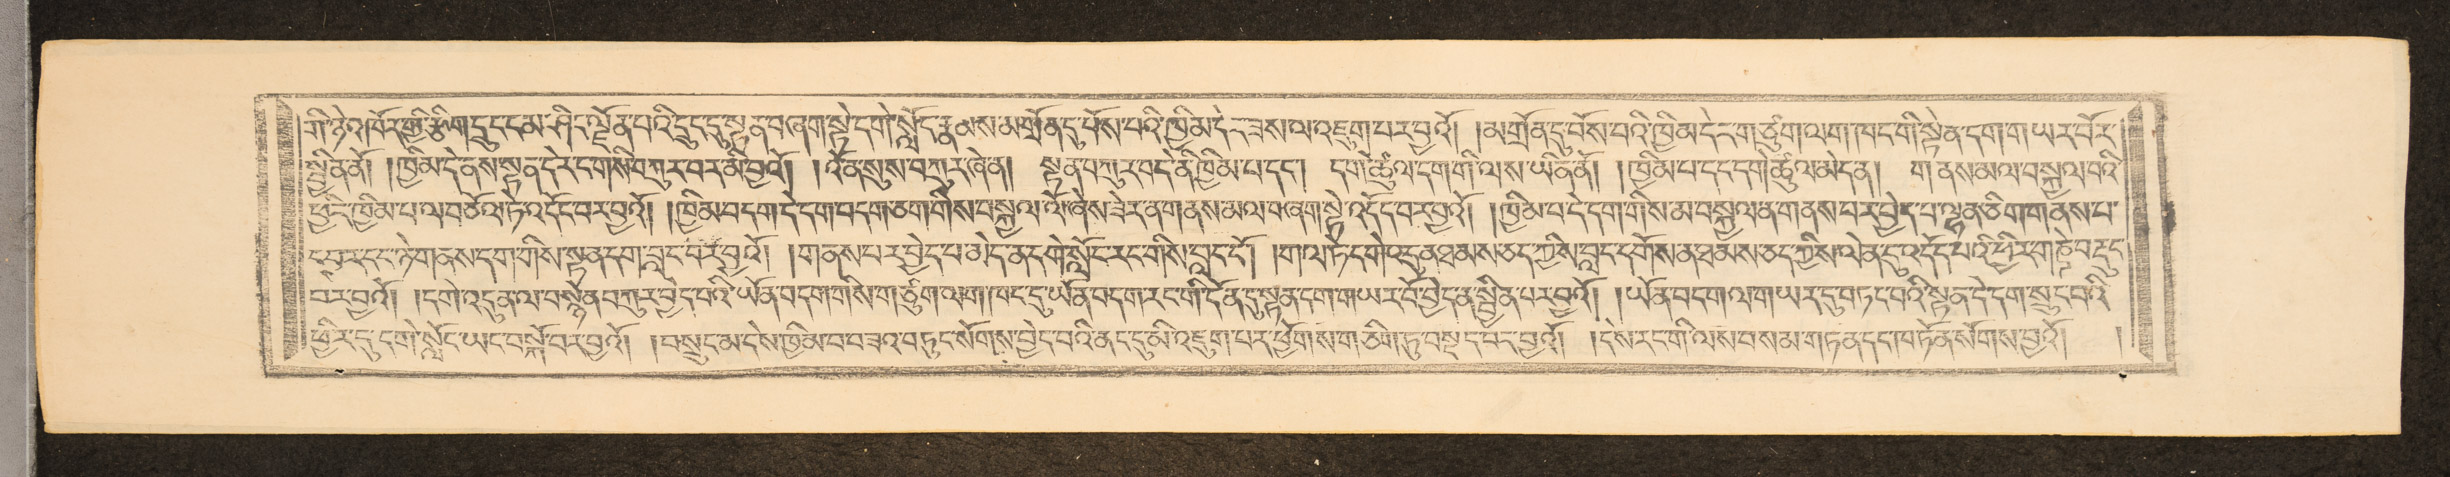གི་ཉེ་འཁོར་གྱི་རྩིག་དྲུང་ངམ་ཤིང་ལྗོན་པའི་དྲུང་དུ་སྟན་བཞག་སྟེ་དགེ་སློང་རྣམས་མགྲོན་དུ་པོས་པའི་ཁྱིམ་དེར་ཟས་ལ་འཇུག་པར་བྱའོ། །མགྲོན་དུ་བོས་པའི་ཁྱིམ་དེར་གཙུག་ལག་ཁང་གི་སྟན་དག་གཡར་བོར་
སྦྱིན་ནོ། །ཁྱིམ་དེ་ནས་སྟན་དེ་རང་གིས་བཀུར་བར་མི་བྱའོ། །འོ་ན་སུས་བཀུར་ཞེ་ན། སྟན་བཀུར་བ་དེ་ནི་ཁྱིམ་པ་དང་། དགེ་ཚུལ་དག་གི་ལས་ཡིན་ནོ། །ཁྱིམ་པ་དང་དགེ་ཚུལ་མེད་ན། གནས་མལ་བསྐྱལ་བའི་
ཕྱིར་ཁྱིམ་པ་ལ་བཅོལ་ཏེ་འདོང་བར་བྱའོ། །ཁྱིམ་བདག་དེ་དག་བདག་ཅག་གིས་བསྐྱལ་ལོ་ཞེས་ཟེར་ན་གནས་མལ་བཞག་སྟེ་འདོད་བར་བྱའོ། །ཁྱིམ་པ་དེ་དག་གིས་མ་བསྐྱལ་ན་གནས་པར་བྱེད་པ་ལྷན་ཅིག་གནས་པ་
དབྱར་དང་ཉེ་གནས་དག་གིས་སྟན་དག་བླང་བར་བྱའོ། །གནས་པར་བྱེད་པ་མེད་ན་དགེ་སློང་རང་གིས་བླང་ངོ། །གལ་ཏེ་དགེ་འདུན་ཐམས་ཅད་ཀྱིས་བླང་དགོས་ན་ཐམས་ཅད་ཀྱིས་ལེན་དུ་འདོང་པའི་ཕྱིར་གཎྜེ་བརྡུང་
བར་བྱའོ། །དགེ་འདུན་ལ་བསྙེན་བཀུར་བྱེད་པའི་ཡོན་བདག་གིས་གཙུག་ལག་ཁང་དུ་ཡོན་བདག་རང་གི་དོན་དུ་སྟན་དག་གཡར་བོ་བྱེད་ན་སྦྱིན་པར་བྱའོ། །ཡོན་བདག་ལ་གཡར་དུ་བཏང་བའི་སྟན་དེ་དག་སྲུང་བའི་
ཕྱིར་དུ་དགེ་སློང་ཡང་བསྐོ་བར་བྱའོ། །བསྲུང་མ་དེས་ཁྱིམ་པ་བཟའ་བཏུང་སོགས་བྱེད་པའི་ནང་དུ་མི་འཇུག་པར་ཕྱོགས་གཅིག་ཏུ་བསྡད་པར་བྱའོ། །དེས་རང་གི་ལས་བསམ་གཏན་དང་ཁ་ཏོན་སོགས་བྱའོ། །